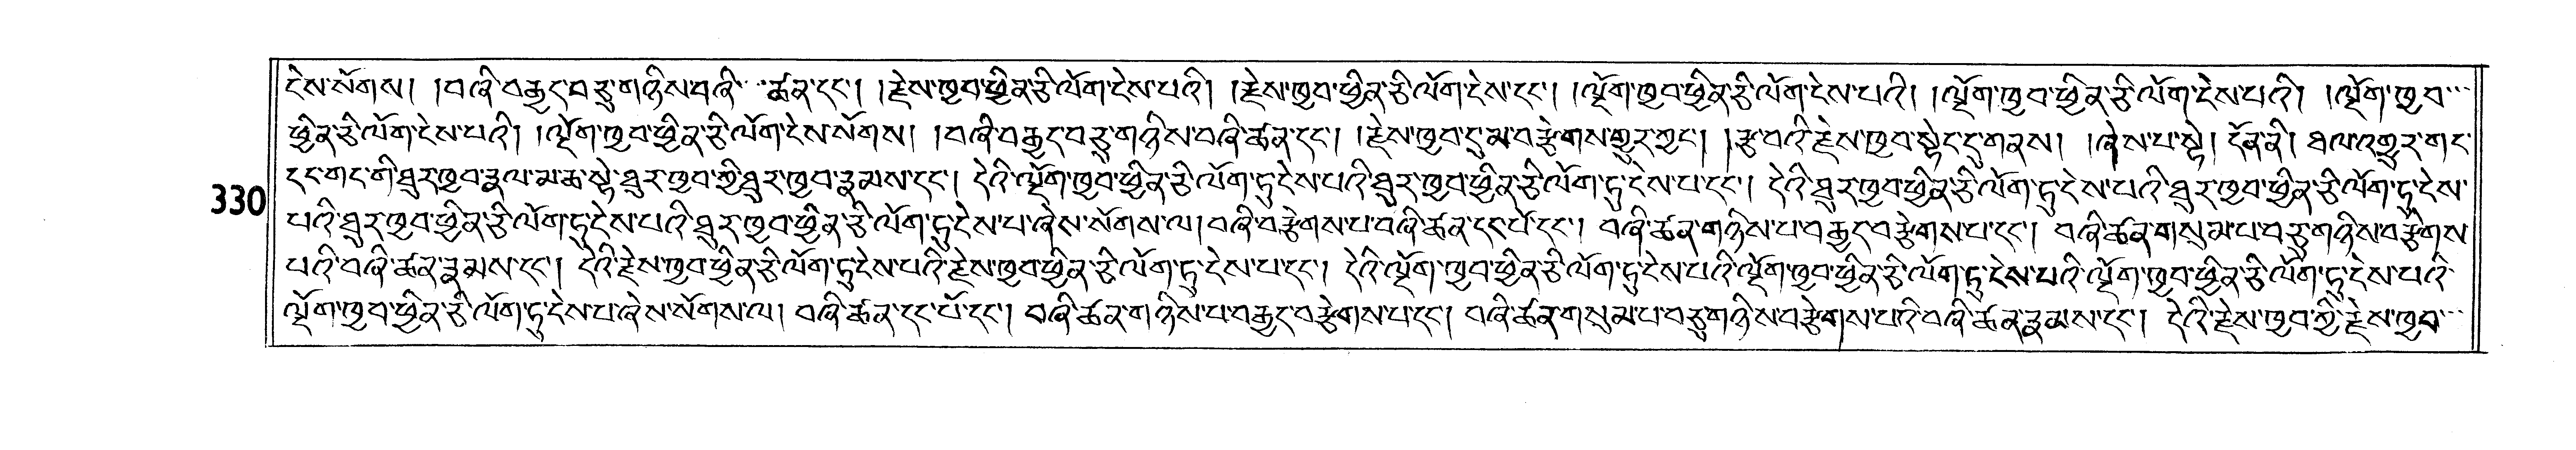ངེས་སོགས། །བཞི་བརྒྱད་བཅུ་གཉིས་བཞི་ཚན་དང་། །རྗེས་ཁྱབ་ཕྱིན་ཅི་ལོག་ངེས་པའི། །རྗེས་ཁྱབ་ཕྱིན་ཅི་ལོག་ངེས་དང་། །ལྡོག་ཁྱབ་ཕྱིན་ཅི་ལོག་ངེས་པའི། །ལྡོག་ཁྱབ་ཕྱིན་ཅི་ལོག་ངེས་པའི། །ལྡོག་ཁྱབ་
ཕྱིན་ཅི་ལོག་ངེས་པའི། །ལྡོག་ཁྱབ་ཕྱིན་ཅི་ལོག་ངེས་སོགས། །བཞི་བརྒྱད་བཅུ་གཉིས་བཞི་ཚན་དང་། །རྗེས་ཁྱབ་དུ་མ་བརྩེགས་གྱུར་ཀྱང་། །རྩ་བའི་རྗེས་ཁྱབ་སྟེང་དུ་གནས། །ཞེས་པ་སྟེ། དོན་ནི། ཐལ་འགྱུར་གང་
དང་གང་གི་ཏུར་ཁྱབ་རྣལ་མ་ཆ་སྟེ་ཐུར་ཁྱབ་ཀྱི་ཐུར་ཁྱབ་རྣམས་དང་། དེའི་ལྡོག་ཁྱབ་ཕྱིན་ཅི་ལོག་ཏུ་ངེས་པའི་ཐུར་ཁྱབ་ཕྱིན་ཅི་ལོག་ཏུ་ངེས་པ་དང་། དེའི་ཐུར་ཁྱབ་ཕྱིན་ཅི་ལོག་ཏུ་ངེས་པའི་ཐུར་ཁྱབ་ཕྱིན་ཅི་ལོག་ཏུ་ངེས་
པའི་ཐུར་ཁྱབ་ཕྱིན་ཅི་ལོག་ཏུ་ངེས་པའི་ཐུར་ཁྱབ་ཕྱིན་ཅི་ལོག་ཏུ་ངེས་པ་ཞེས་སོགས་ལ། བཞི་བརྩེགས་པ་བཞི་ཚན་དང་པོ་དང་། བཞི་ཚན་གཉིས་པ་བརྒྱད་བརྩེགས་པ་དང་། བཞི་ཚན་གསུམ་པ་བཅུ་གཉིས་བརྩིགས་
པའི་བཞི་ཚན་རྣམས་དང་། དེའི་རྗེས་ཁྱབ་ཕྱིན་ཅི་ལོག་ཏུ་ངེས་པའི་རྗེས་ཁྱབ་ཕྱིན་ཅི་ལོག་ཏུ་ངེས་པ་དང་། དེའི་ལྡོག་ཁྱབ་ཕྱིན་ཅི་ལོག་ཏུ་ངེས་པའི་ལྡོག་ཁྱབ་ཕྱིན་ཅི་ལོག་ཏུ་ངེས་པའི་ལྡོག་ཁྱབ་ཕྱིན་ཅི་ལོག་ཏུ་ངེས་པའི་
ལྡོག་ཁྱབ་ཕྱིན་ཅི་ལོག་ཏུ་ངེས་པ་ཞེས་སོགས་ལ། བཞི་ཚན་དང་པོ་དང་། བཞི་ཚན་གཉིས་པ་བརྒྱད་བརྩེགས་པ་དང་། བཞི་ཚན་གསུམ་པ་བཅུ་གཉིས་བརྩེགས་པའི་བཞི་ཚན་རྣམས་དང་། དེའི་རྗེས་ཁྱབ་ཀྱི་རྗེས་ཁྱབ་